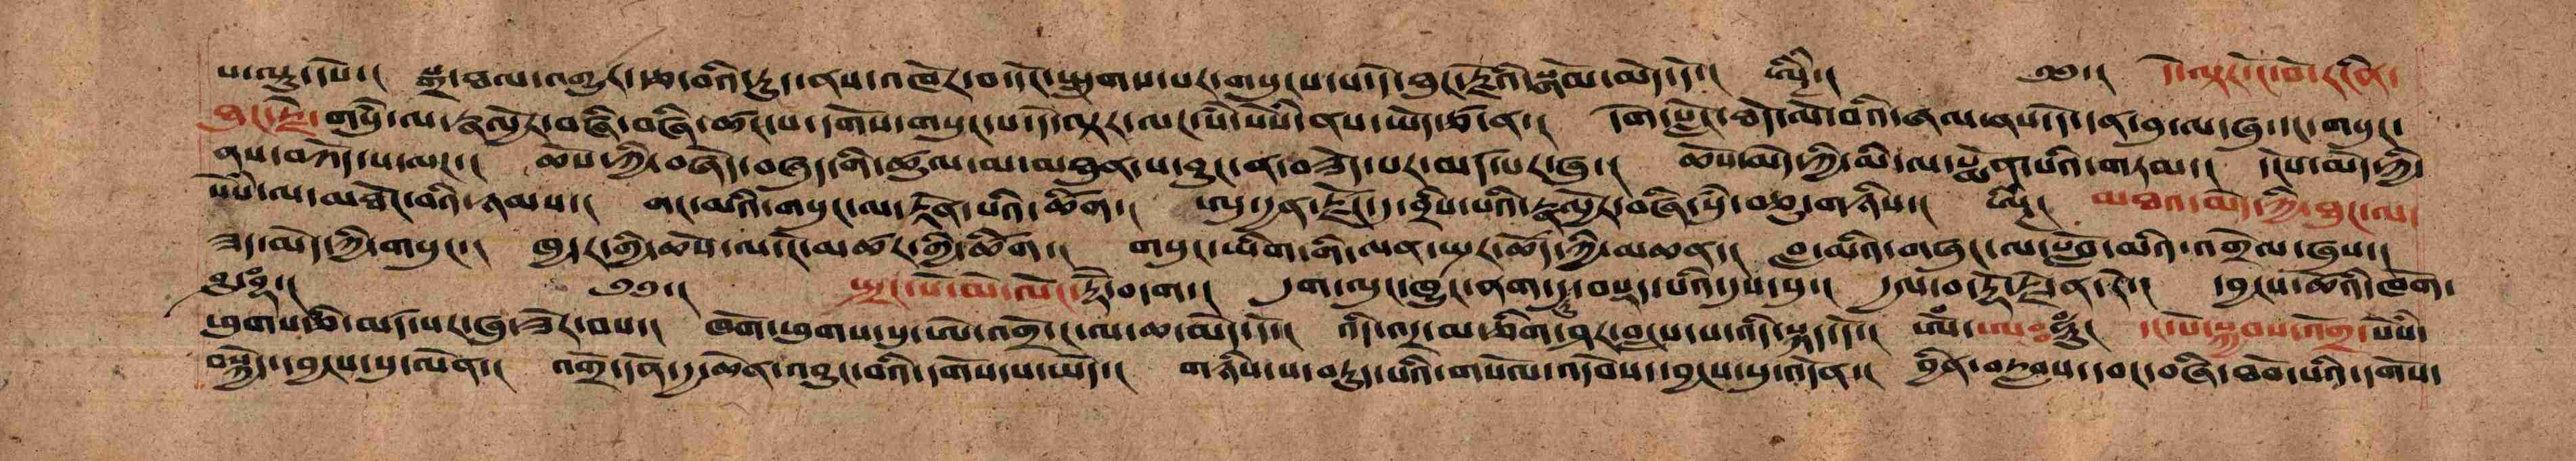པ་ལྟ་བུ་དཔེ། སྒྲ་ཐལ་འགྱུར་རྩ་བའི་རྒྱུད་ནས་འཁོར་བ་དོང་སྤྲུགས་པར་གསུངས་པ་དེ་ཐུགས་རྗེའི་སྒོམ་མེད་དོ། ཨྚི། ༄༅།། དེ་ལྟར་ངོ་བོ་རང་བཞིན་
ཐུགས་རྗེ་གསུམ་ལ་རྣལ་འབྱོར་བཞི་བཞི་ཚང་བ་དགོས་གསུང་པ་དེ་ལྟར་ལགས་སམ་སེམས་ནས་ཡོད་ཙ་ན། དགེ་སློང་ཐོད་ལོ་བའི་ཞལ་ནས་དེ་དན་བུ་ལ་ཞུ་དང་གསུང་
ནས་བཀོད་པ་ལགས། ཆོས་ཀྱི་བཞེད་བཞུད་གི་ཚུལ་མ་མཐུན་པ་བྱུང་ན་བཟོད་པར་མཛད་པར་ཞུ། །ཆོས་མེད་ཀྱི་མི་ལ་སྨོན་པའི་གཏམ། དངོས་མེད་ཀྱི་
སེམས་ལ་མཐོང་བའི་ཉམས། གང་མའི་གསུང་ལ་རྟེན་པའི་ཚིག་གོ། ཨུ་རྒྱན་རྫོང་དུ་བྲིས་པའི་རྣལ་འབྱོར་བཞི་སུམ་བཅུ་གཉིས། ཨྚི། མཐའ་མེད་ཀྱི་ཐུགས་ལ་
ཟད་མེད་ཀྱི་གསུང་། ཁྱད་པར་གྱི་ཆོས་ལ་ངོ་མཚར་གྱི་ཚིག། གསུང་ཡིག་གི་ལན་སྤར་ཚོད་ཀྱི་མཚན། བླ་མའི་གཞུང་ལ་སློབ་མའི་འགྲེལ་ཞུས། 
ཤུ་བྷཾ། ༄༅།། སྤྲང་པོ་མེ་ལོང་རྡོ་རྗེ་བདག། དུག་ལུང་ཁྱུང་ནག་ཏུ་བསྡད་པའི་དུས་སུ། རྒྱལ་བ་རྡོ་རྗེ་ན་རེ། དབྱངས་ཚེའི་ཁོག་ཕུགས་ཅི་མཛད་པར་ཞུ་ཟེར་བས། ཁོག་
ཕུགས་སུ་ཨེ་འགྲོ་ང་ལ་ཆ་མེད་དོ། འདི་འདྲ་མ་ཅིག་ཤར་བླངས་པ་འདི་སྐད་དོ།། ཨོཾ་ཨཱཿཧཱུཾ། དང་པོ་སྐྱབས་འགྲོ་སེམས་
བསྐྱེད་དབྱངས་སུ་ལེན། འགྲོ་དོན་རྒྱ་ཆེན་འབྱུང་བའི་དགོས་པ་ཡོད། གཉིས་པ་བརྒྱུད་པའི་གསོལ་འདེབས་དབྱངས་སུ་འདོན། བྱིན་རླབས་དབང་བཞི་ཐོབ་པའི་དགོས་